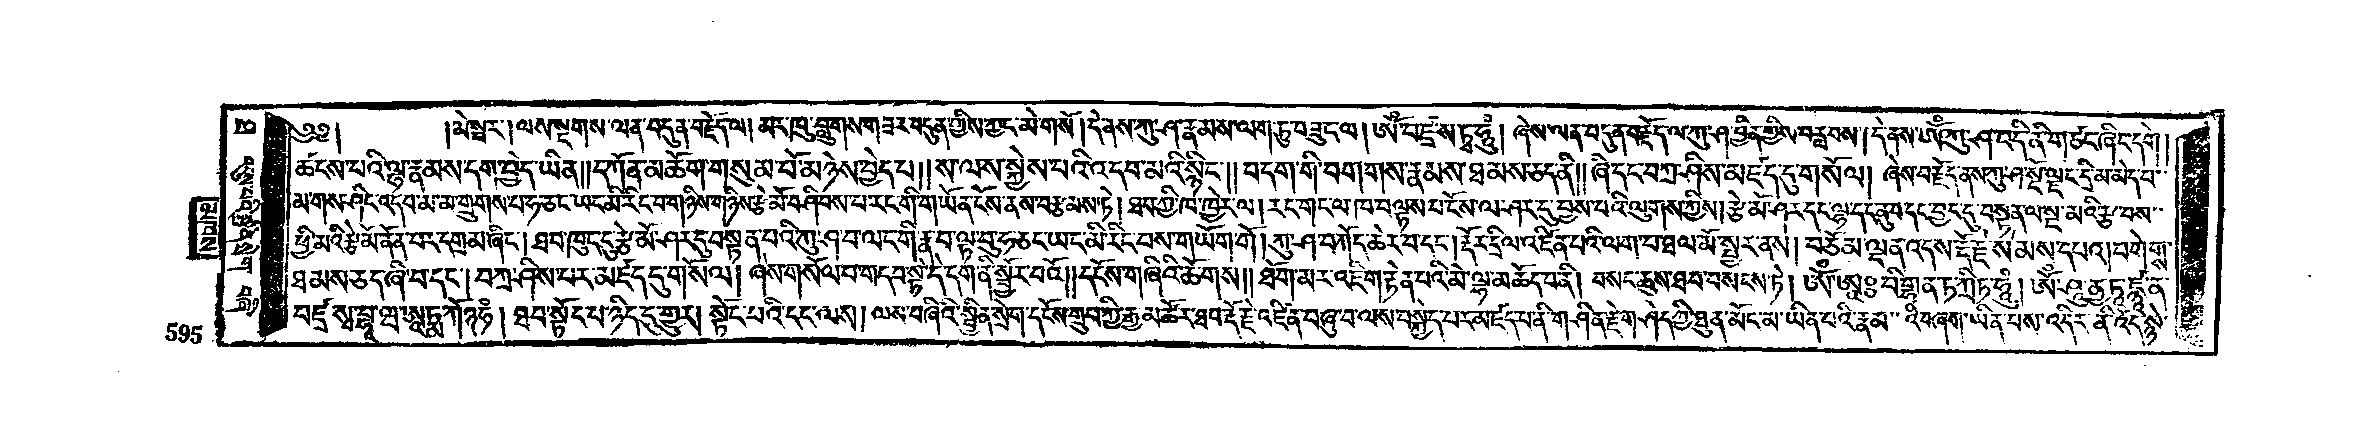༄༅། །མེ་སྤར། ལས་སྔགས་ལན་བདུན་བརྗོད་ལ། མར་ཁུ་བླུགས་གཟར་བདུན་གྱི་ཀྱང་མེ་གསོ། དེ་ནས་ཀུ་ཤ་རྣམས་ལ་ཨོཾ་བྫྲ་ས་ཏྭ་ཧཱུཾ། ཞེས་ལན་དབྡུན་བརྗོད་ཀུ་ཤ་བྱིན་གྱིས་བརླབས། དེ་ཨོཾ་ཀུ་ཤ་འདི་ནི་གཙང་ཞིང་དགེ་
ཚངས་པའི་ལྷ་རྣམས་དག་བྱེད་ཡིན། དཀོན་མཆོག་གསུམ་པོ་མཉེས་བྱེད་ལ། ས་ལས་སྐྱེས་པའི་འདབ་མའི་སྙིང་། བདག་གི་བགག་རྣམས་ཐམས་ཅད་ནི། ཞི་མྐྲ་ཤིས་མཛད་དུ་གསོལ། ཞེས་ན་ཀུན་ཤ་སྔོ་ལྗང་དྲི་མ་མེད་པ་
མགས་ཤིང་འདབ་མ་མ་གྲུབགས་བ་ཧ་ཅང་ཡང་མི་རིང་གཉིས་གཉིས་རྩེ་མོ་བཤིབས་པ་རང་གི་གཡོན་ངོ་ནས་བརྩམས་ཏེ། ཐབ་ཀྱི་ཁ་ཁྱེར་ལ། རང་གང་ལ་ཁ་བལྟས་ངོས་ལ་ཤར་དུ་བྱས་པའི་ལུགས་ཀྱིས། རྩེ་མོ་ཤར་དང་ལྷ་དང་ནུས་དང་བྱང་དུ་བསྟན་ལ་སྔ་མའི་རཙབས་
ཕྱི་མའི་རྩེ་མོ་ནོན་པར་དགྲ་མ་ཞིང་། ཐབ་ཁུང་དུ་རྩེ་མོ་ཤར་དུ་བསྟན་པའི་ཀུ་ཤ་བ་ལང་གི་རྣ་བ་ལྲ་བུ་ཧ་ཅང་ཡང་མི་རིང་བས་གཡོག་གོ །ཀུ་ཤ་བཀོད་ཆེར་བ་དང་། རྡོར་དྲིལ་འཛིན་པའི་དུ་བྱས་ཐལ་མོ་སྤྱར་ནས། བཅོམ་ལྡན་འདས་རྡོ་རྗེ་སེམས་དཔའི། བགེགས་
ཐམས་ཅད་ཞིབ་དང་། བཀྲ་ཤིས་པར་མཛད་དུ་གསོལ། ཞེས་གསོལ་པ་གདབ་སྟེ་དེ་དག་ནི་སྦྱོར་བའོ། དངོས་གཞིའི་ཚོགས། ཐོག་མར་འཇིག་རྟེན་པའི་མེ་ལྷ་མཆོད་པ་ནི། བསང་ཆུས་ཐབ་བསངས་ཏེ། ཨོཾ་ཨཱཿ བི་གྷན་ཏ་ཀྲི་ཏ་ཧཱུཾ། ཨོཾ་ཥཱཨུ་ནཡ་ཏཱ་ཛྙཱ་ན་
བདྲ་སྭ་བྷཱ་ཝ་ཨཱ་ཏྨ་ཀོ་ཉ་ཧཾ། ཐབ་སྟོང་ཉིད་དུ་གྱུར། སྟོང་པའི་དང་ལས། ལས་བཞིའི་སྦྱིནམ་སྲིག་དངོས་གྲུབ་ཀྱི་རྒྱ་མཚོར་ཐབ་རྡོ་རྗེ་འཛིན་བཞུ་བ་ལས་བསྐྱེད་པར་མཛད་པ་ནི་གཤིན་ཀྱི་ཐུན་མོང་མ་ཡིན་པའི་རྣམ་བཞག་ཡིན་པས་འདིར་ནི་འོང་སྙེ་